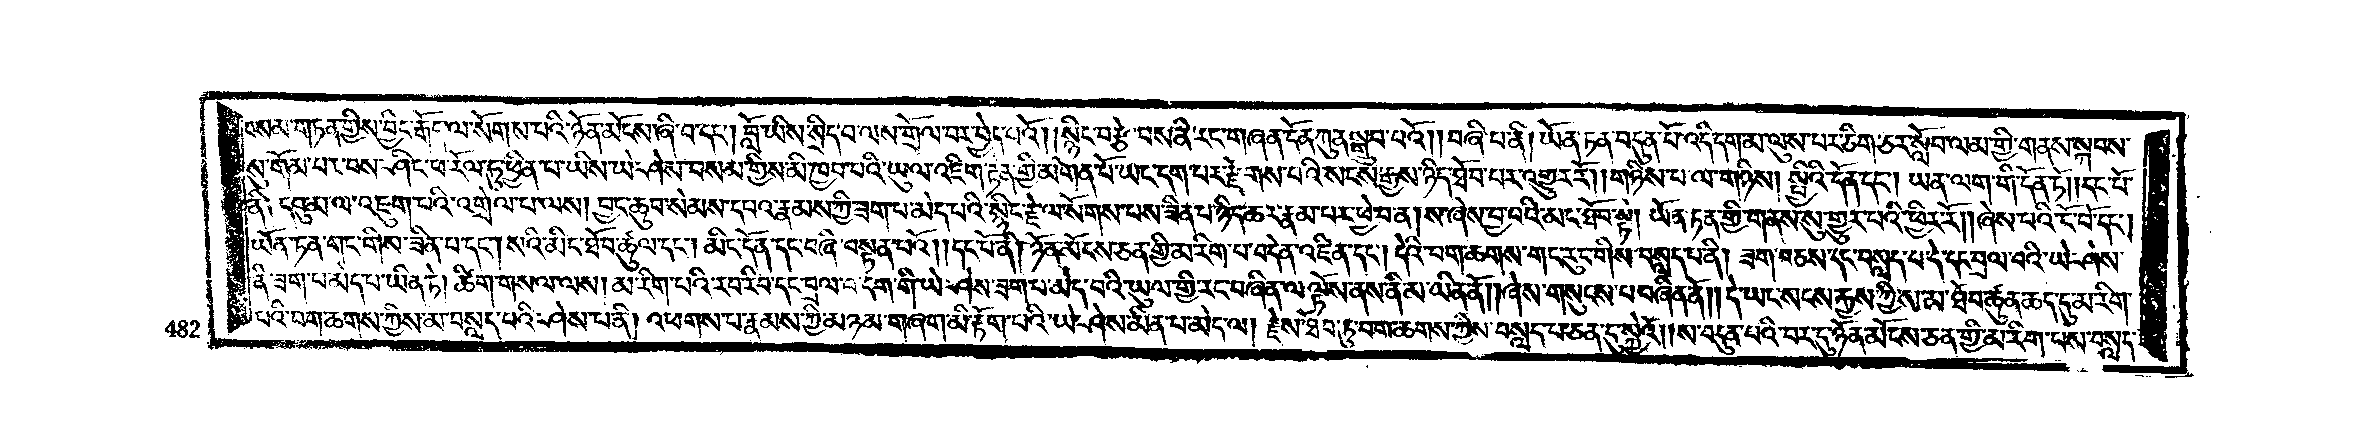བསམ་གཏན་གྱིས་བྱིང་རྒོད་ལ་སོགས་པའི་ཉོན་མོངས་ཞི་བ་དང་། བློ་ཡིས་སྲིད་པ་ལས་གྲོལ་བར་བྱེད་པའོ། །སྙིང་བརྩེ་བས་ནི་རང་གཞན་དོན་ཀུན་སྒྲུབ་པའོ། །བཞི་པ་ནི། ཡོན་ཏན་བདུན་པོ་འདི་དག་མ་ལུས་པར་ཅིག་ཅར་སློབ་ལམ་གྱི་གནས་སྐབས་
སུ་གོམ་པར་བས་ཤིང་ཕ་རོལ་ཏུ་ཕྱིན་པ་ཡིས་ཡེ་ཤེས་བསམ་གྱིས་མི་ཁྱབ་པའི་ཡུལ་འཇིག་རྟེན་གྱི་མགོན་པོ་ཡང་དག་པར་རྫོགས་པའི་སངས་རྒྱས་ཉིད་ཐོབ་པར་འགྱུར་རོ། །གཉིས་པ་ལ་གཉིས། སྤྱིའི་དོན་དང་། ཡན་ལག་གི་དོན་ཏོ། །དང་པོ་
ནི༑ དབུ་མ་ལ་འཇུག་པའི་འགྲེལ་པ་ལས། བྱང་ཆུབ་སེམས་དཔའ་རྣམས་ཀྱི་ཟག་པ་མེད་པའི་སྙིང་རྗེ་ལ་སོགས་པས་ཟིན་པ་ཉིད་ཆར་རྣམ་པར་ཕྱེ་བ་ན། ས་ཞེས་བྱ་བའི་མང་ཐོབ་སྟེ། ཡོན་ཏན་གྱི་གནས་སུ་གྱུར་པའི་ཕྱིར་རོ། །ཞེས་པའི་ངོ་བོ་དང་། ཡོན་ཏན་གང་གིས་ཟིན་པ་དང་། སའི་མིང་ཐོབ་ཚུལ་དང་། མིང་དོན་དང་བཞི་བསྟན་པའོ། །དང་པོ་ནི། ཉོན་མོངས་ཅན་གྱི་མ་རིག་པ་བདེན་འཛིན་དང་། དེའི་བག་ཆགས་གང་རུང་གིས་བསླད་པ་ནི། ཟག་བཅས་དང་བསླད་པ་དེ་དང་བྲལ་བའི་ཡེ་ཤེས་
ནི་ཟག་པ་མེད་པ་ཡིན་ཏེ། ཚིག་གསལ་ལས། མ་རིག་པའི་རབ་རིབ་དང་བྲལ་བ་དག་གི་ཡེ་ཤེས་ཟག་པ་མེད་པའི་ཡུལ་གྱི་རང་བཞིན་ལ་ལྟོས་ནས་ནི་མ་ཡིན་ནོ། །ཞེས་གསུངས་པ་བཞིན་ནོ། །དེ་ཡང་སངས་རྒྱས་ཀྱི་ས་མ་ཐོབ་ཚུན་ཆད་དུ་མ་རིག་
པའི་བག་ཆགས་ཀྱིས་མ་བསླད་པའི་ཤེས་པ་ནི། འཕགས་པ་རྣམས་ཀྱི་མཉམ་གཞག་མི་རྟོག་པའི་ཡེ་ཤེས་མིན་པ་མེད་ལ། རྗེས་ཐོབ་ཏུ་བག་ཆགས་ཀྱིས་བསླད་པ་ཅན་དུ་སྐྱེའོ། །ས་བདུན་པའི་བར་དུ་ཉོན་མོངས་ཅན་གྱི་མ་རིག་པས་བསླད་